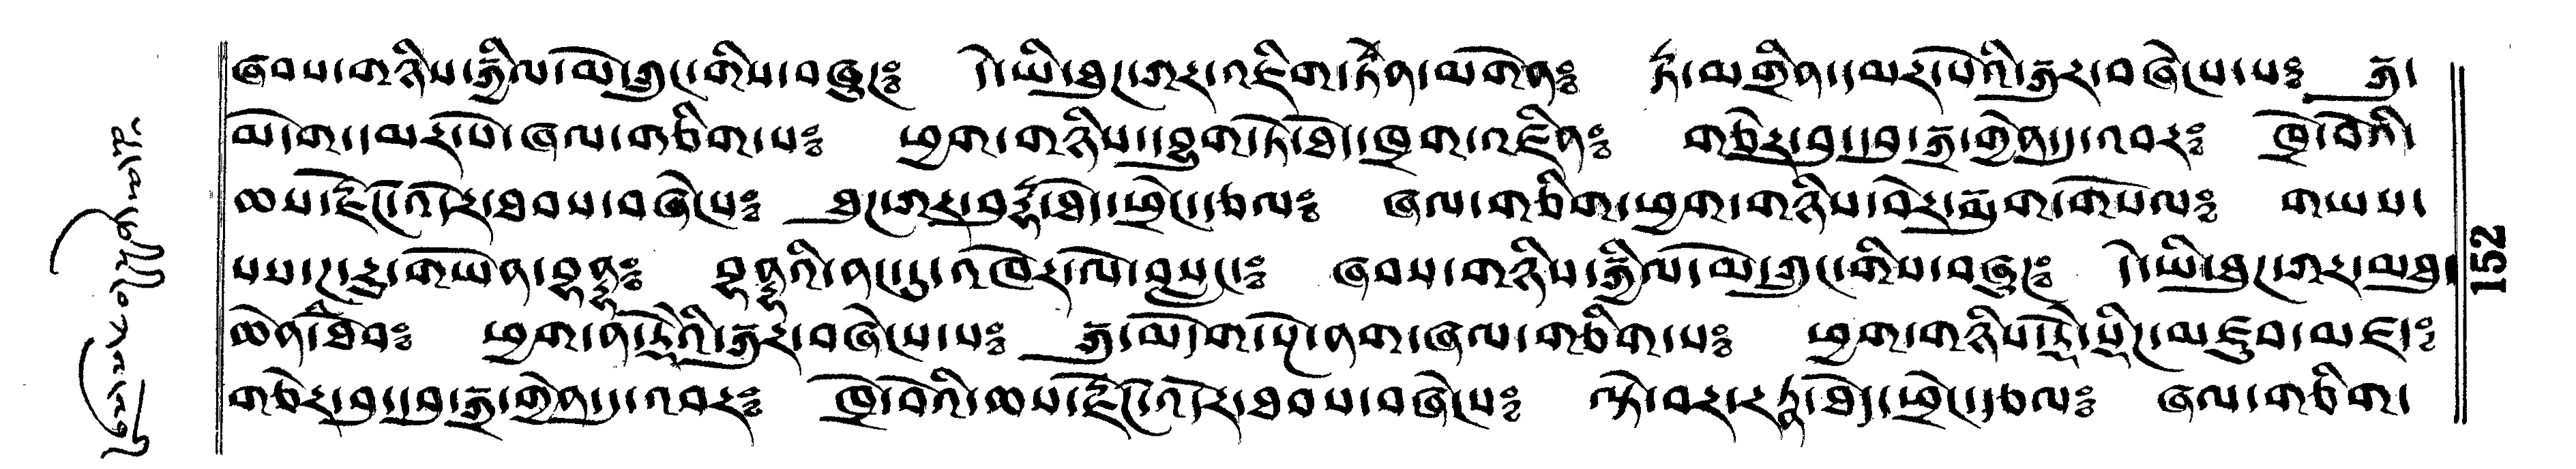ཞབས་གཉིས་སྐྱིལ་མོ་ཀྲུང་གིས་བཞུགས༔ དེ་ཡི་ཐུགས་ཀར་འཇིག་རྟེན་མགོན༔ རྟ་མགྲིན་དམར་པོའི་སྐུར་བཞེངས་པ༔ སྐུ་
མདོག་དམར་པོ་ཞལ་གཅིག་པ༔ ཕྱག་གཉིས་དབྱུག་རྡོ་ཐོད་ཁྲག་འཛིན༔ གཅེར་བུ་དབུ་སྐྲ་གྱེན་དུ་འབར༔ ཁྲོ་བོའི་
ཆས་རྫོགས་དོར་སྟབས་བཞེངས༔ ཐུགས་ཀར་བུདྡྷ་ཐོད་ཕྲེང་རྩལ༔ ཞལ་གཅིག་ཕྱག་གཉིས་བེར་སྨུག་གསོལ༔ གཡས་
པས་ཌཱ་རུ་གཡོན་བྷནྡྷ༔ བྷནྡྷའི་ནང་དུ་འཁོར་ལོ་བསླང༔ ཞབས་གཉིས་སྐྱིལ་མོ་ཀྲུང་གིས་བཞུགས༔ དེ་ཡི་ཐུགས་ཀར་མཐུ་
ཆེན་ཐོབ༔ ཕྱག་ན་རྡོ་རྗེའི་སྐུར་བཞེངས་པ༔ སྐུ་མདོག་སྔོ་ནག་ཞལ་གཅིག་པ༔ ཕྱག་གཉིས་རྡོ་རྗེ་སྡིགས་མཛུབ་མཛད༔ 
གཅེར་བུ་དབུ་སྐྲ་གྱེན་དུ་འབར༔ ཁྲོ་བོའི་ཆས་རྫོགས་དོར་སྟབས་བཞེངས༔ ལྟེ་བར་རཏྣ་ཐོད་ཕྲེང་རྩལ༔ ཞལ་གཅིག་